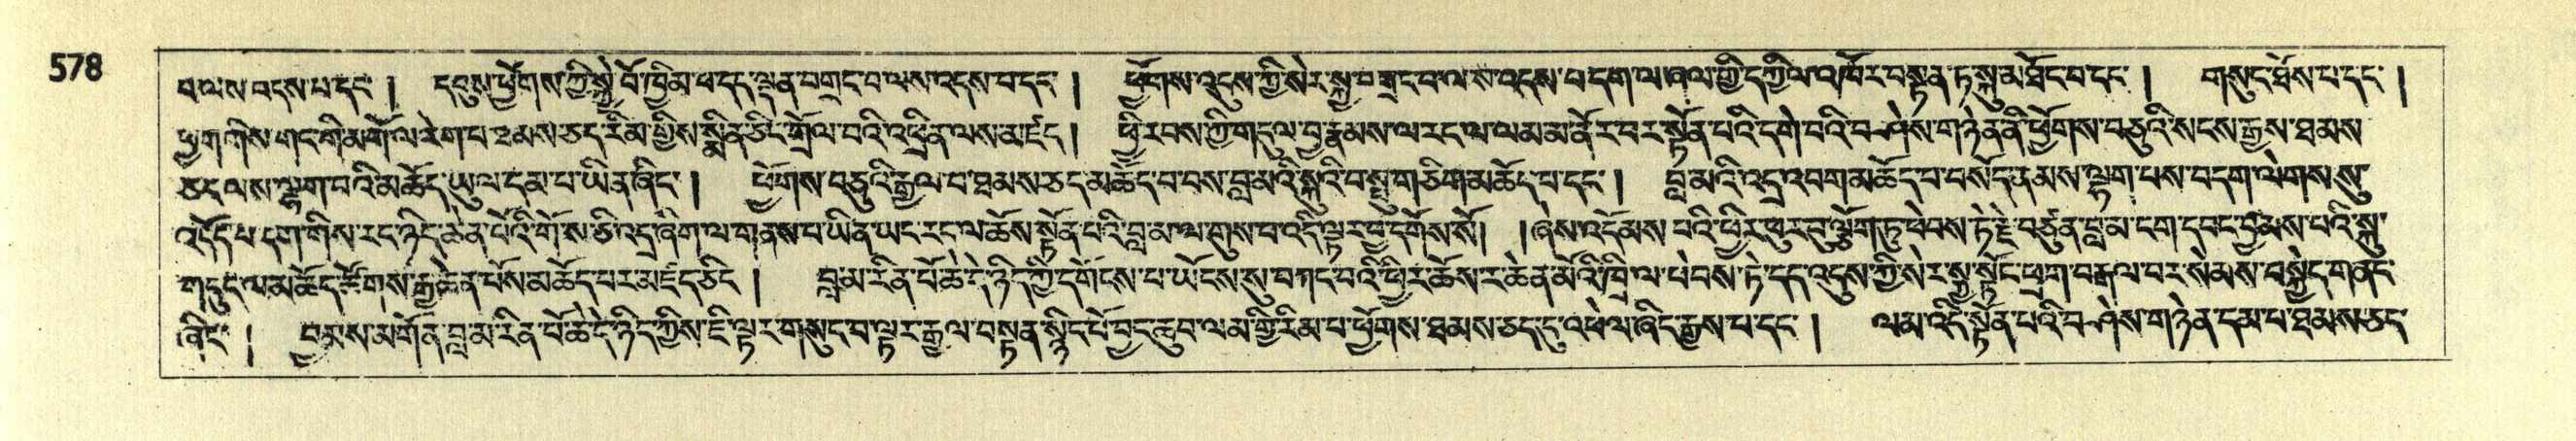བ་ལས་འདས་པ་དང་། དབུས་ཕྱོགས་ཀྱི་སྐྱེ་བོ་ཁྱིམ་པ་དང་ལྡན་བགྲང་བ་ལས་འདས་པ་དང་། ཕྱོགས་འདུས་ཀྱི་སེར་སྐྱ་བགྲང་བ་ལས་འདས་པ་དག་ལ་ཞལ་གྱི་དཀྱིལ་འཁོར་བསྟན་ཏ་སྐུ་མཐོང་བ་དང་། གསུང་ཐོས་པ་དང་།
ཕྱག་གིས་གང་གི་མགོ་ལ་རེག་པ་ཐམས་ཅད་རིམ་གྱིས་སྨིན་ཅིང་གྲོལ་བའི་འཕྲིན་ལས་མཛད། ཕྱི་རབས་ཀྱི་གདུལ་བྱ་རྣམས་ལ་རང་ལ་ལམ་མ་ནོར་བར་སྟོན་པའི་དགེ་བའི་བཤེས་གཉེན་ནི་ཕྱོགས་བཅུའི་སངས་རྒྱས་ཐམས་
ཅད་ལས་ལྷག་པའི་མཆོད་ཡུལ་དམ་པ་ཡིན་ཞིང་། ཕྱོགས་བཅུའི་རྒྱལ་བ་ཐམས་ཅད་མཆོད་བ་བས་བླ་མའི་སྐུའི་བ་སྤུ་གཅིག་མཆོད་པ་དང་། བླ་མའི་འདྲ་འབག་མཆོད་པ་བསོད་ནམས་ལྷག་པས་བདག་ལེགས་སུ་
འདོད་པ་དག་གིས་རང་ཉིད་ཆེན་པོའི་གོ་ས་ཅི་འདྲ་ཞིག་ལ་གནས་པ་ཡིན་ཡང་རང་ལ་ཆོས་སྟོན་པའི་བླ་མ་ལ་གུས་པ་འདི་ལྟར་བྱ་དགོས་སོ། །ཞེས་འདོམས་པའི་ཕྱིར་ཕུར་བུ་ལྕོག་ཏུ་ཕེབས་ཏེ་རྗེ་བཙུན་བླ་མ་ངག་དབང་བྱམས་པའི་སྐུ་
གདུད་ལ་མཆོད་ཚོགས་རྒྱ་ཆེན་པོས་མཆོད་པར་མཛད་ཅིང་། བླ་མ་རིན་པོ་ཆེ་དེ་ཉིད་ཀྱི་དགོངས་པ་ཡོངས་སུ་བཀང་བའི་ཕྱིར་ཆོས་ར་ཆེན་མོའི་ཁྲི་ལ་ཕེབས་ཏེ་དད་འདུས་ཀྱི་སེར་སྐྱ་སྟོང་ཕྲག་བརྒལ་བར་སེམས་བསྐྱེད་གནང་
ཞིང་། བྱམས་མགོན་བླ་མ་རིན་པོ་ཆེ་དེ་ཉིད་ཀྱིས་ཇི་ལྟར་གསུང་བ་ལྟར་རྒྱལ་བསྟན་སྙིང་པོ་བྱང་ཆུབ་ལམ་གྱི་རིམ་པ་ཕྱོགས་ཐམས་ཅད་དུ་འཕེལ་ཞིང་རྒྱས་པ་དང་། ལམ་འདི་སྟོན་པའི་བཤེས་གཉེན་དམ་པ་ཐམས་ཅད་